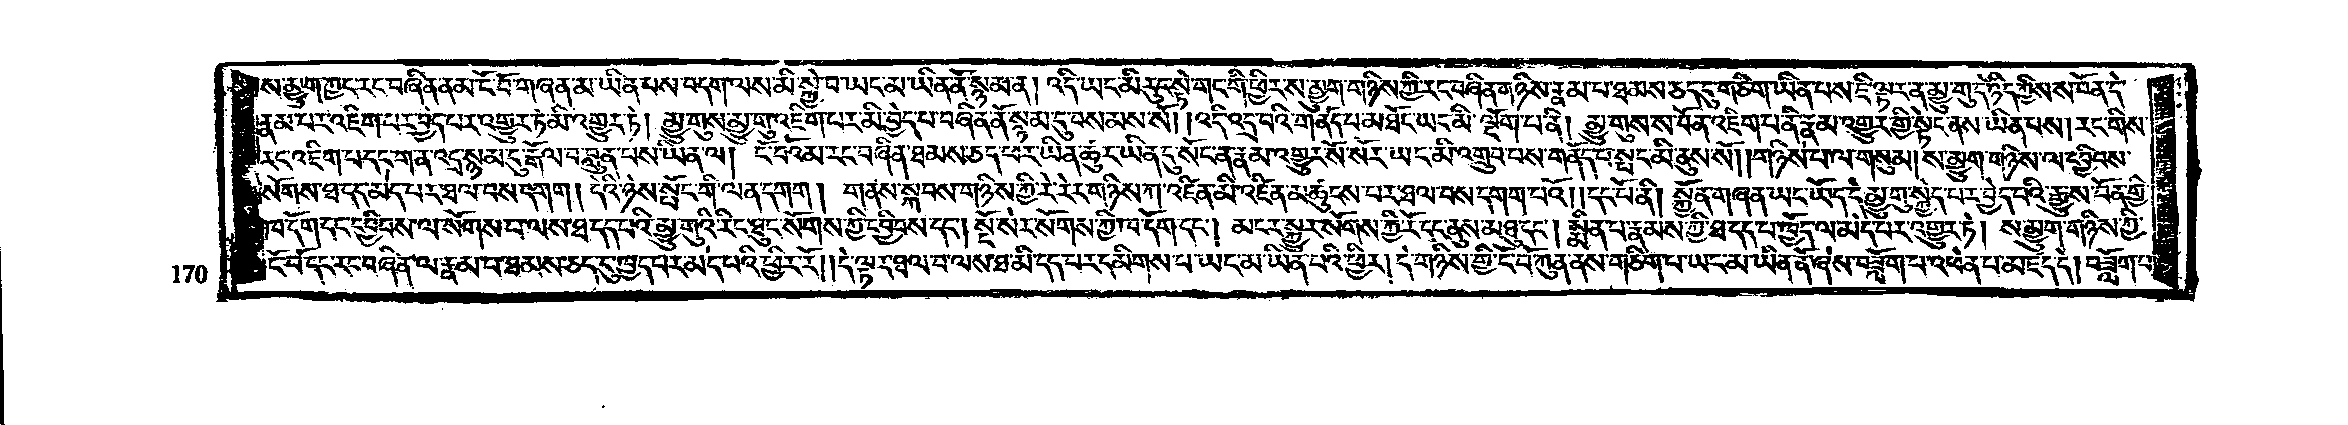ས་མྱུག་ཀྱང་རང་བཞིན་ནམ་ངོ་བོ་གཞན་མ་ཡིན་པས་བདག་ལས་མི་སྐྱེ་པ་ཡང་མ་ཡིན་ནོ་སྙམ་ན། འདི་ཡང་མི་རུང་སྟེ་གང་གི་ཕྱིར་ས་མྱུག་གཉིས་ཀྱི་རང་བཞིན་གཉིས་རྣམ་པ་ཐམས་ཅད་དུ་གཅིག་ཡིན་པས་ཇི་ལྟར་ན་མྱུ་གུ་དེ་ཉིད་ཀྱིས་ས་བོན་དེ་
རྣམ་པར་འཇིག་པར་བྱེད་པར་འགྱུར་ཏེ་མི་འགྱུར་ཏེ། མྱུ་གུས་མྱུ་གུ་འཇིག་པར་མི་བྱེད་པ་བཞིན་ནོ་སྙམ་དུ་བསམས་སོ། །འདི་འདྲ་བའི་གནོད་པ་མཐོང་ཡང་མི་ལྡོག་པ་ནི། མྱུ་གུས་ས་བོན་འཇིག་པ་ནི་རྣམ་འགྱུར་གྱི་སྟེང་ནས་ཡིན་པས། རང་གིས་
རང་འཇིག་པ་དང་ག་ན་འདྲ་སྙམ་དུ་རྒོལ་བ་བླུན་པས་ཡིན་ལ་ངོ་བོའམ་རང་བཞིན་ཐམས་ཅད་ཕར་ཡིན་ཚུར་ཡིན་དུ་སོང་ན་རྣམ་འགྱུར་སོ་སོར་ཡང་མི་འགྲུབ་པས་གནོད་པ་སྤང་མི་ནུས་སོ། །གཉིས་པ་ལ་གསུམ། ས་མྱུག་གཉིས་ལ་དབྱིབས་
སོགས་ཐ་དད་མེད་པར་ཐལ་བས་དགག །དེའི་ཉེས་སྤོང་གི་ལན་དགག །གནས་སྐབས་གཉིས་ཀྱི་རེ་རེར་གཉིས་ཀ་འཛིན་མི་འཛིན་མཚུངས་པར་ཐལ་བས་དགག་པའོ། །དང་པོ་ནི། སྐྱོན་གཞན་ཡང་ཡོད་དེ་མྱུ་གུ་སྐྱེད་པར་བྱེད་པའི་རྒྱུ་ས་བོན་གྱི་
ཁ་དོག་དང་དབྱིབས་ལ་སོགས་པ་ལས་ཐ་དད་པའི་མྱུ་གུའི་རིང་ཐུང་སོགས་ཀྱི་དབྱིབས་དང་། སྔོ་སེར་སོགས་ཀྱི་ཁ་དོག་དང་། མངར་སྐྱུར་སོགས་ཀྱི་རོ་དང་ནུས་མཐུ་དང་། སྨིན་པ་རྣམས་ཀྱི་ཐ་དད་པ་ཁྱོད་ལ་མེད་པར་འགྱུར་ཏེ། ས་མྱུག་གཉིས་ཀྱི་
ངོ་བོ་དང་རང་བཞིན་ལ་རྣམ་པ་ཐམས་ཅད་དུ་ཁྱད་པར་མེད་པའི་ཕྱིར་རོ། །དེ་ལྟར་ཐལ་བ་ལས་ཐ་མི་དད་པར་དམིགས་པ་ཡང་མ་ཡིན་པའི་ཕྱིར། དེ་གཉིས་གྱི་ངོ་བོ་ཀུན་ནས་གཅིག་པ་ཡང་མ་ཡིན་ནོ་ཞེས་བཟློག་པ་འཕེན་པ་མཛད་དེ། བཟློག་པ་